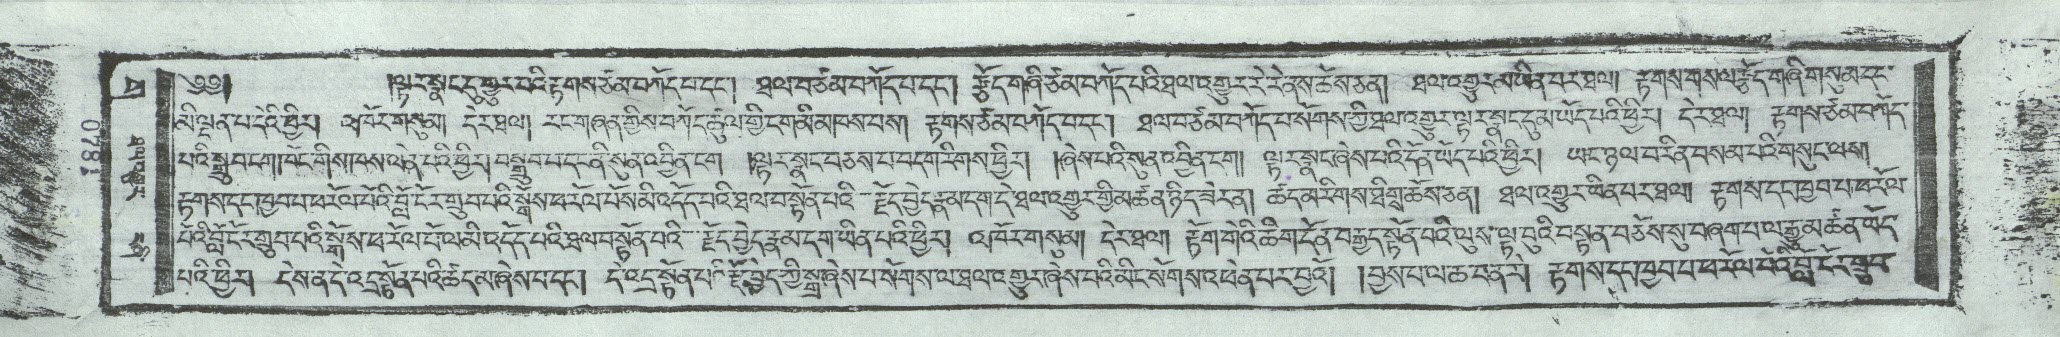༄༅། །ལྟར་སྣང་དུ་གྱུར་པའི་རྟགས་ཙམ་བཀོད་བ་དང་། ཐལ་བ་ཙམ་བཀོད་པ་དང་། རྩོད་གཞི་ཙམ་བཀོད་པའི་ཐལ་འགྱུར་རེ་རེ་ནས་ཆོས་ཅན། ཐལ་འགྱུར་མ་ཡིན་པར་ཐལ། རྟགས་གསལ་རྩོད་གཞི་གསུམ་དང་
མི་ལྡན་པ་དེའི་ཕྱིར། འཁོར་གསུམ། དེར་ཐལ། རང་གཞན་གྱིས་བཀོད་ཚུལ་གྱི་ངག་མི་མཁས་པས། རྟགས་ཙམ་བཀོད་པ་དང་། ཐལ་བ་ཙམ་བཀོད་པ་སོགས་ཀྱི་ཐལ་འགྱུར་ལྟར་སྣང་དུ་མ་ཡོད་པའི་ཕྱིར། དེར་ཐལ། རྟགས་ཙམ་བཀོད་
པའི་སྒྲུབ་ངག་ཁོང་གིས་ཁས་ལེན་པའི་ཕྱིར། བསྒྲུབ་པ་དང་ནི་སུན་འབྱིན་ངག །ལྟར་སྣང་བཅས་པ་བདག་རིགས་ཕྱིར། །ཞེས་པའི་སུན་འབྱིན་དག། ལྟར་སྣང་ཞེས་པའི་དོན་ཡོད་པའི་ཕྱིར། ཡང་ཉལ་བ་རིན་བསམ་པའི་གསུང་ལས།
རྟགས་དང་ཁྱབ་པ་ཕ་རོལ་པོའི་བློ་ངོར་གྲུབ་པའི་སྒོས་ཕ་རོལ་པོས་མི་འདོད་པའི་ཐལ་བ་སྟོན་པའི་རྗོད་བྱེད་རྣམ་དག་དེ་ཐལ་འགྱུར་གྱི་མཚན་ཉིད་ཟེར་ན། ཚད་མ་རིགས་ཐིགས་ཆོས་ཅན། ཐལ་འགྱུར་ཡིན་པར་ཐལ། རྟགས་དང་ཁྱབ་པ་ཕ་རོལ་
པོའི་བློ་ངོར་གྲུབ་པའི་སྒོས་ཕ་རོལ་པོ་ལ་མི་འདོད་པའི་ཐལ་བ་སྟོན་པའི་རྗོད་བྱེད་རྣམ་དག་ཡིན་པའི་ཕྱིར། འཁོར་གསུམ། དེར་ཐལ། རྟོག་གེའི་ཚིག་དོན་བརྒྱད་སྟོན་པའི་ལུས་ལྟ་བུའི་བསྟན་བཅོས་སུ་བཞག་པ་ལ་རྒྱུ་མཚན་ཡོད་
པའི་ཕྱིར། དེས་ན་དེ་འདྲ་སྟོན་པའི་ཚད་མ་ཞེས་པ་དང་། དེ་འདྲ་སྟོན་པའི་རྗོད་བྱེད་ཀྱི་སྒྲ་ཞེས་པ་སོགས་ལ་ཐལ་འགྱུར་ཞེས་པའི་མིང་སོགས་འཕེན་པར་བྱའོ། །བྱས་པ་ལ་ཆ་བ་ན་རེ། རྟགས་དང་ཁྱབ་པ་ཕ་རོལ་པོའི་བློ་ངོར་གྲུབ་